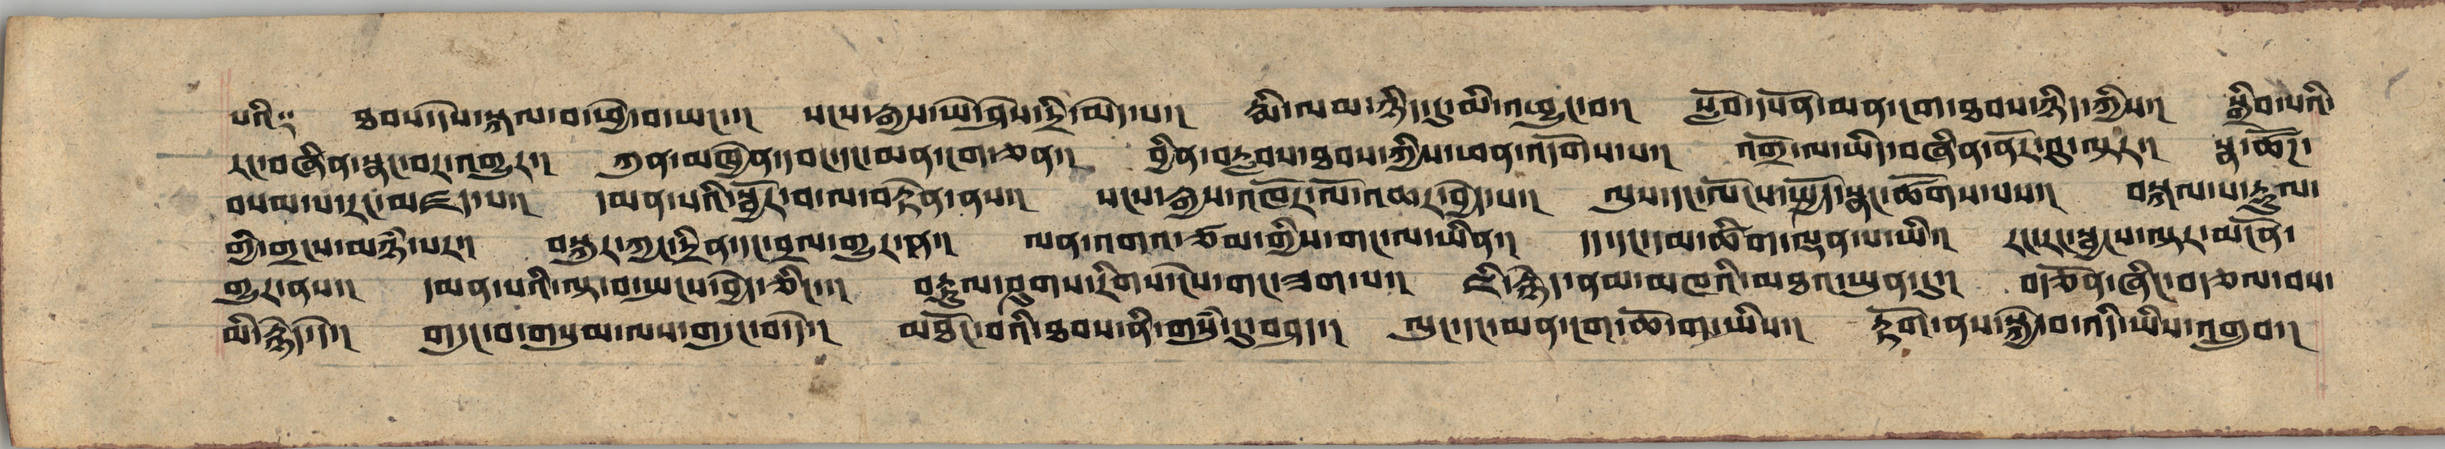པའི༑ ཐབས་དེས་སྐལ་བ་ཕྱེ་བ་ཡང་་། སངས་རྒྱས་ཡེ་ཤེས་དྲི་མེད་པ་། རྨི་ལམ་ཉིད་དུ་མི་འཕྱུང་བ་། སློབ་དཔོན་མན་ངག་ཐབས་ཉིད་ཀྱིས་། སྒྲིབ་པའི་
རང་བཞིན་སྣང་བར་འགྱུར་། ཀུན་མཁྱེན་དབང་དང་མན་ངག་ཅན་། བྱིན་བརླབས་ཐབས་ཀྱིས་ཕན་འདོགས་པ་། འགྲོ་ལ་ཡིད་བཞིན་ནོར་བུ་ལྟར་། སྣ་ཚོཌ་
བསམ་པ་རང་མཛད་པ་། དམན་པའི་སྦྱོར་བ་ལ་བརྟེན་ནས་། སངས་རྒྱས་འཁོར་ལོ་འཆར་བྱེད་པ་། ལུས་དང་ལོངས་སྤྱོད་སྣང་ཚོགས་པས་། བསྐལ་པ་རྡུལ་
གྱི་གྲངས་མཉཾ་པར་། བསྐུར་ཀྱང་དྲིན་དང་བྲལ་གྱུར་ན་། ལན་འགའ་ཙམ་གྱིས་གང་ལ་ཡིན་། དད་དང་དམ་ཚིག་ལྡན་པ་ཡི་། རང་རང་སྦྱངས་ལྟར་མངོན་
གྱུར་ནས་། དམན་པའི་ལྟ་བ་སྤངས་བྱེད་ཅིང་་། བརྟུལ་ཤུགས་རིགས་ངེས་གང་ཟག་པ་། ཇི་རྙེད་ནམ་མཁའི་མཐའ་ཡུན་དུ་། བརྩོན་ཞིང་བརྩལ་བས་
མི་རྙེད་དཻ་། གདུང་བ་གསུམ་ལས་གདུང་བ་དེ་། མཐོང་བའི་ཐབས་ནི་གསུཾ་དུ་བཤད་། ལུང་དང་མན་ངག་ཆོ་ག་ཡིས་། རྟོག་ནས་སྐྱེ་བ་འདི་ཡིས་འགྲུབ་།